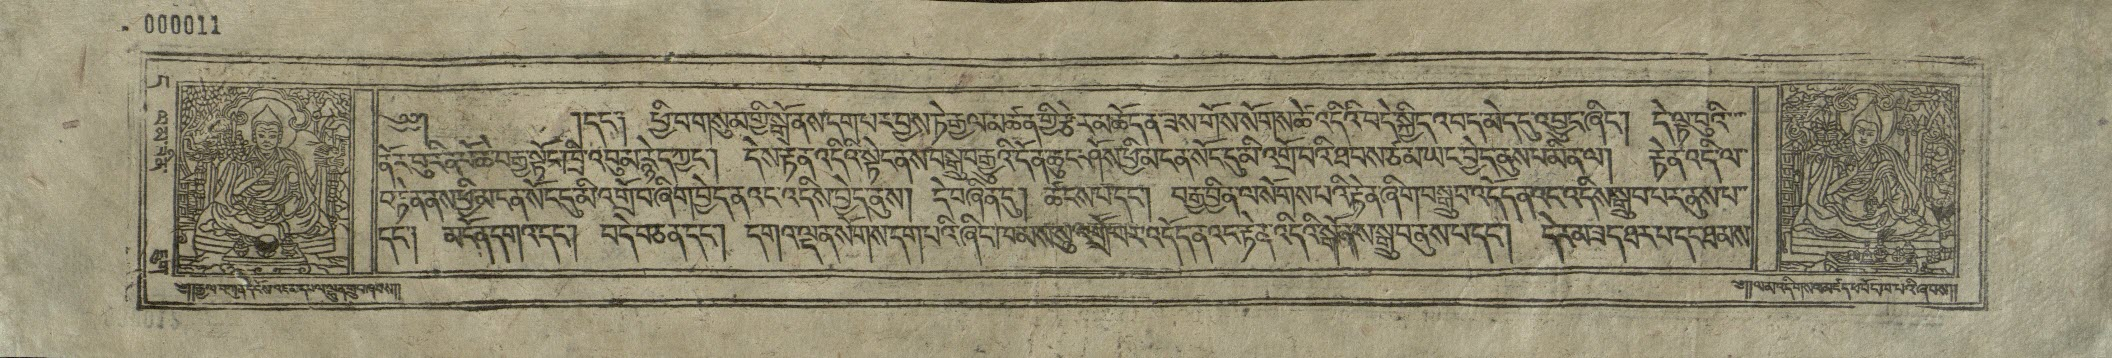་༄༅། །དང༑ ཕྱི་བ་གསུམ་གྱི་སྒོ་ནས་དག་པར་བྱས་ཏེ་རྒྱལ་མཚན་གྱི་རྩེར་མཆོད་ན་ཟས་གོས་སོགས་ཚེ་འདིའི་བདེ་སྐྱིད་འབད་མེད་དུ་འབྱུང་ཞིང་། དེ་ལྟ་བུའི་
ནོར་བུ་རིན་པོ་ཆེ་བརྒྱ་སྟོང་ཁྲི་འབུམ་རྙེད་ཀྱང་། དེས་རྟེན་འདིའི་སྟེང་ནས་བསྒྲུབ་རྒྱུའི་དོན་ཆུང་ཤོས་ཕྱི་མ་ངན་སོང་དུ་མི་འགྲོ་བའི་ཐབས་ཙམ་ཡང་བྱེད་ནུས་པ་མིན་ལ། རྟེན་འདི་ལ་
བརྟེན་ནས་ཕྱི་མ་ངན་སོང་དུ་མི་འགྲོ་བ་ཞིག་བྱེད་ནའང་འདིས་བྱེད་ནུས། དེ་བཞིན་དུ། ཚངས་པ་དང་། བརྒྱ་བྱིན་ལ་སོགས་པའི་རྟེན་ཞིག་བསྒྲུབ་འདོད་ནའང་འདིས་སྒྲུབ་པར་ནུས་པ་
དང་། མངོན་དགའ་དང་། བདེ་བ་ཅན་དང་། དགའ་ལྡན་སོགས་དག་པའི་ཞིང་ཁམས་སུ་འགྲོ་བར་འདོད་ནའང་རྟེན་འདིའི་སྒོ་ནས་སྒྲུབ་ནུས་པ་དང་། དེར་མ་ཟད་ཐར་པ་དང་ཐམས་